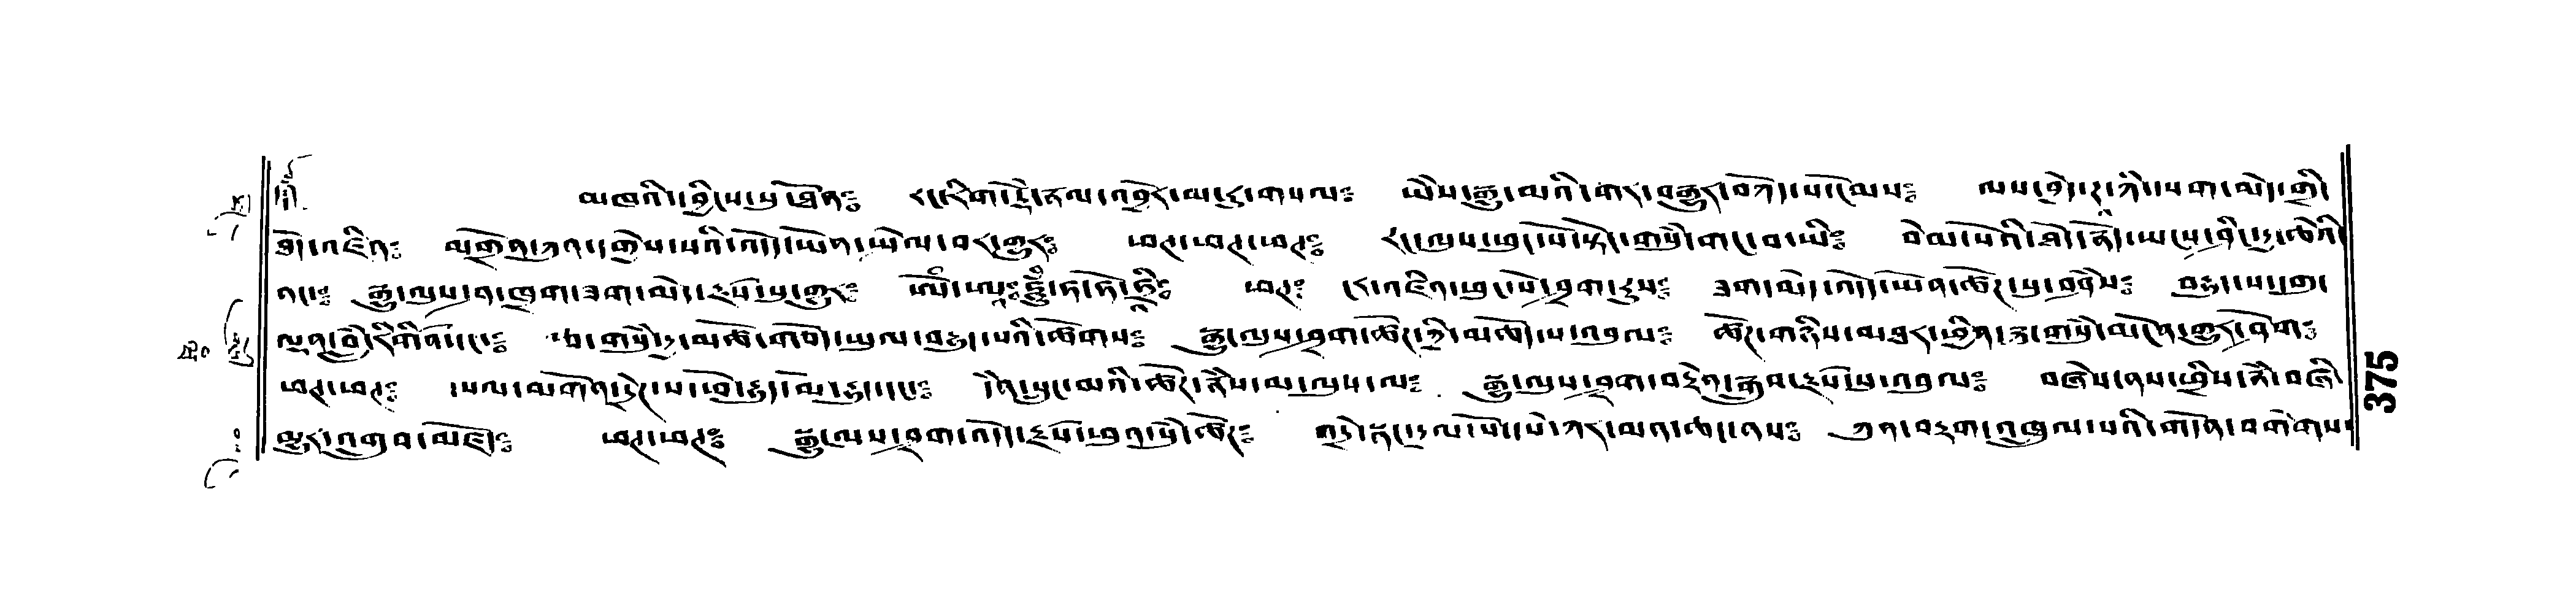མཁའི་དབྱིངས་སུ་ཐོན༔ རང་རིག་རྡོ་རྗེ་རྣལ་འབྱོར་མ་རུ་གསལ༔ ཡེ་ཤེས་སྒྱུ་མའི་གར་བསྒྱུར་བཀོད་པ་ངོམས༔ ལས་བྱེད་ཌཱ་ཀི་དཔག་མེད་གྲི་
ཐོད་འཛིན༔ མགྲོན་ཀུན་དགྱེས་པའི་འདོད་ཡོན་སྤེལ་བར་གྱུར༔ ཕཊ་ཕཊ་ཕཊཿ རང་ལུས་ཕུང་པོ་སྟོང་གསུམ་གང་བ་ཡི༔ བེམ་པོའི་ཐོད་སྣོད་ཡངས་ཤིང་རྒྱ་ཆེའི་
ནང༔ སྒྱུ་ལུས་ཤ་ཁྲག་ཟག་མེད་རྫས་སུ་གྱུར༔ ཨོཾ་ཨཱཿཧཱུྃ་ཧ་ཧོ་ཧྲཱིཿ ཕཊཿ ངར་འཛིན་ཕུང་པོ་ཤ་ཁྲག་རུས༔ ཟག་མེད་འདོད་ཡོན་ཚོགས་སུ་བཤམས༔ བརྒྱུད་པ་དགུ་
ལྡན་བླ་མ་རིག་འཛིན་དང༔ རྩ་གསུམ་རྒྱ་མཚོ་གཅོད་ཡུལ་བརྒྱུད་པའི་ཚོགས༔ སྒྱུ་ལུས་ཤ་ཁྲག་ཚོགས་ཀྱི་མཆོད་པ་འབུལ༔ ཚོགས་གཉིས་མཐར་ཕྱིན་སྐུ་གསུམ་མངོན་གྱུར་ཤོག༔ 
ཕཊ་ཕཊཿ དཔལ་མགོན་དྲེགས་པ་ཕོ་རྒྱུད་མོ་རྒྱུད་དང༔ དམ་ཅན་སྲུང་མའི་ཚོགས་རྣམས་མ་ལུས་ལ༔ སྒྱུ་ལུས་ཤ་ཁྲག་བརྟེན་སྒྲུབ་རྫས་སུ་འབུལ༔ བཞེས་ནས་ཕྲིན་ལས་རྣམ་བཞི་
མྱུར་འགྲུབ་མཛོད༔ ཕཊ་ཕཊཿ སྒྱུ་ལུས་ཤ་ཁྲག་འདོད་རྫས་ཕུན་སུམ་ཚོགས༔ འདྲེ་སྣང་རྒྱལ་པོ་དཔེ་ཀར་མན་ཆད་ནས༔ ཀུན་བརྟགས་འཁྲུལ་པའི་གདོན་བགེགས་